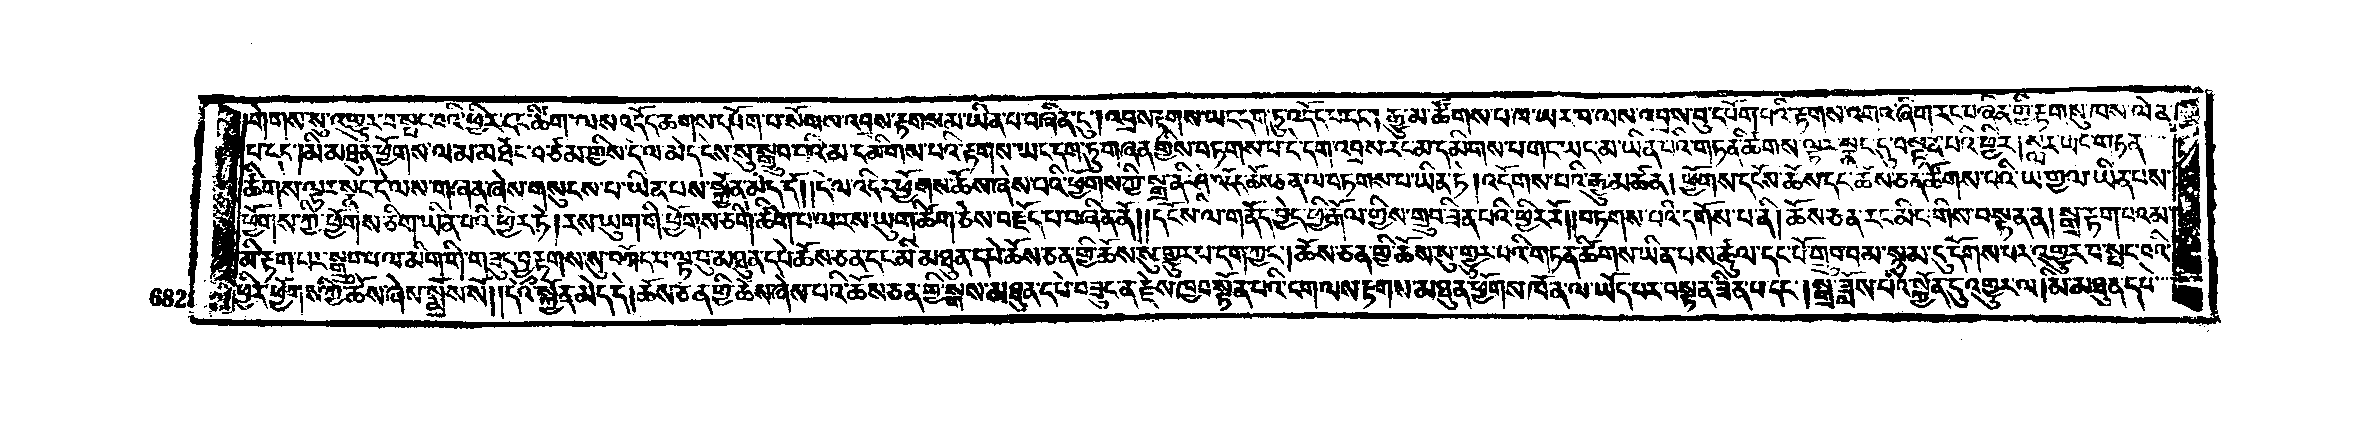གེགས་སུ་འགྱུར་བ་སྤང་བའི་ཕྱིར་དང་ཚིག་ལས་འདོད་ཆགས་དཔོག་པ་སོགས་འབྲས་རྟགས་མ་ཡིན་པ་བཞིན་དུ། འབྲས་རྟགས་ཡང་དག་ཏུ་འདོད་པ་དང་། རྒྱུ་མ་ཚོགས་པ་ཁ་ཡར་བ་ལས་འབྲས་བུ་དཔོག་པའི་རྟགས་འགའ་ཞིག་རང་བཞིན་གྱི་རྟགས་སུ་ཁས་ལེན་
པ་དང་། མི་མཐུན་ཕྱོགས་ལས་མཐོང་པ་ཙམ། གྱིས་དེ་ངེས་སུ་སྒྲུབ་པའི་མ་དམིགས་པའི་རྟགས་ཡང་དག་ཏུ་གཞན་གྱིས་ལ་མེད་ངེས་སུ་སྒྲུབ་པའི་མ་དམིགས་པའི་རྟགས་ཡང་དག་ཏུ་གཞན་གྱིས་བཏགས་པ་དེ་དག་འབྲས་རང་མ་དམིགས་པ་གང་ཡང་མ་ཡིན་པའི་གཏན་ཚིགས་ལྟར་སྣང་དུ་བསྟན་པའི་ཕྱིར། སླར་ཡང་གཏན་
ཚིགས་ལྟར་སྣང་དེ་ལས་གཞན་ཞེས་གསུངས་པ་ཡིན་པས་སྐྱོན་མེད་དོ། དེ་ལ་འདིར་ཕྱོགས་ཆོས་ཞེས་པའི་ཕྱོགས་ཀྱི་སྒྲ་ནི་ཤེས་འྶོས་ཆོས་ཅན་ལ་བཏགས་པ་ཡིན་ཏེ། འདོགས་པའི་རྒྱུ་མཚན། ཕྱོགས་དངོས་ཆོས་དང་ཆོས་ཅན་ཚོགས་པའི་ཡ་གྱལ་ཡིན་པས་
ཕྱོགས་ཀྱི་ཕྱོགས་ཅིག་ཡིན་པའི་ཕྱིར་ཏེ། རས་ཡུལ་གི་ཕྱོགས་ཅིག་ཚིག་པ་ལ་རས་ཡུག་ཚིག་ཅེས་བརྗོད་པ་བཞིན་ནོ། །དངོས་ལ་གནོད་བྱེད་ཕྱི་རྒོལ་གྱིས་གྲུབ་ཟིན་པའི་ཕྱིར་རོ། །བཏགས་པའི་དགོས་པ་ནི། ཆོས་ཅན་རང་མིང་གིས་བསྟན་ན། སྒྲ་རྟག་པའམ་
མི་རྟག་པར་སྒྲུབ་པ་ལ་མིག་གི་གཟུང་བྱ་རྟགས་སུ་བཀོད་པ་ལྟ་བུ་མཐུན་དཔེ་ཆོས་ཅན་དང་མི་མཐུན་དཔེ་ཆོས་ཅན་གྱི་ཆོས་སུ་གྱུར་པ་དག་ཀྱང་། ཆོས་ཅན་གྱི་ཆོས་སུ་གྱུར་པའི་གཏན་ཚིགས་ཡིན་པས་ཚུལ་དང་པོ་གྲུབ་བམ་སྙན་དུ་དོགས་པར་འགྱུར་བ་སྤང་བའི་
ཕྱིར་ཕྱོགས་ཀྱི་ཆོས་ཞེས་སྨྲོས་སོ། །དེའི་སྐྱོན་མེད་དེ། ཆོས་ཅན་གྱི་ཆོས་ཞེས་པའི་ཆོས་ཅན་གྱི་སྒས་མཐུན་དཔེ་བཟུང་ན་རྗེས་ཁྱབ་སྟོན་པའི་ངག་ལས་རྟགས་མཐུན་ཕྱོགས་ཁོ་ན་ལ་ཡོད་པར་བསྟན་ཟིན་པ་དང་། སྒྲ་ཟློས་པའི་སྐྱོན་དུ་འགྱུར་ལ། མི་མཐུན་དཔེ་